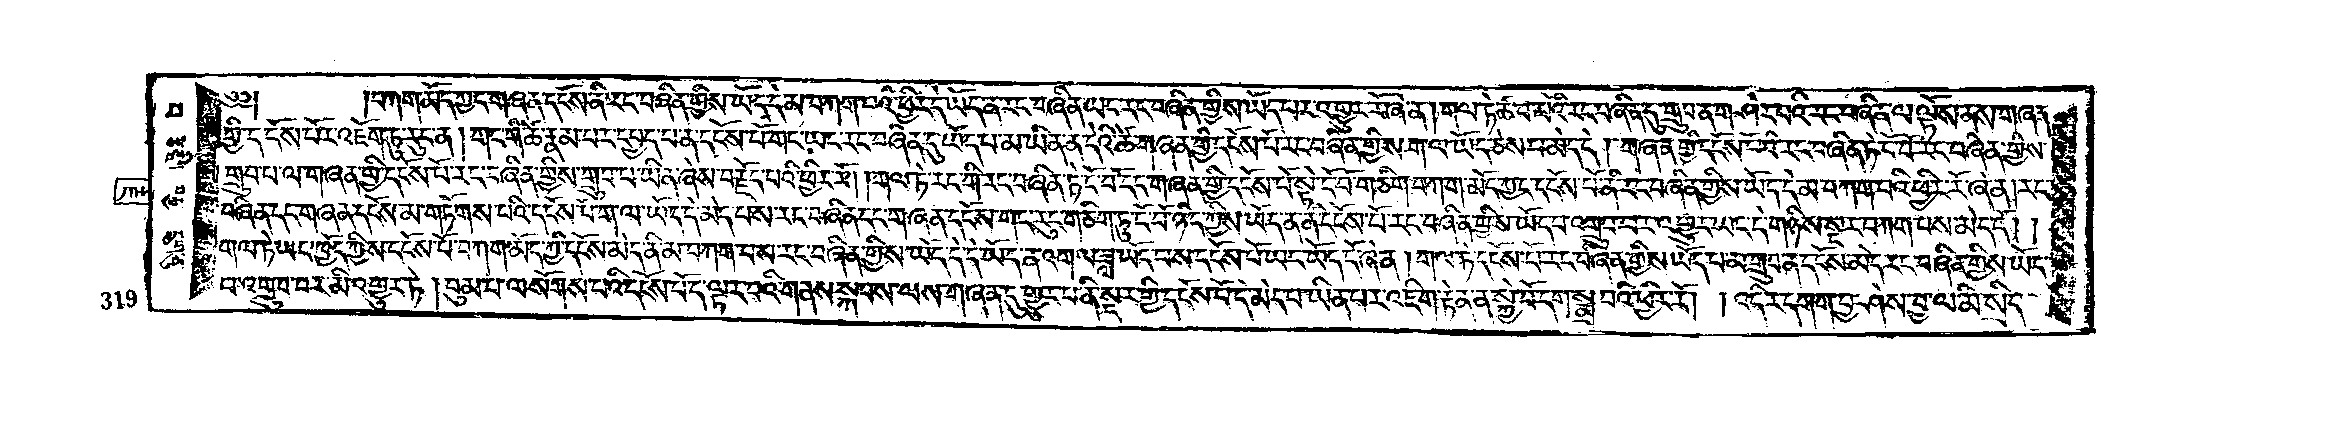༄༅། །བཀག་མོད་ཀྱང་གཞན་དངོས་ནི་རང་བཞིན་གྱིས་ཡོད་དེ་མ་བཀག་པའི་ཕྱིར་དེ་ཡོད་ན་རང་བཞིན་ཡང་རང་བཞིན་གྱིས་ཡོད་པར་འགྱུར་རོ་ཞེ་ན། གལ་ཏེ་ཚ་བ་མེའི་རང་བཞིན་དུ་གྲུབ་ན་གཤེར་བའི་རང་བཞིན་ལ་ལྟོས་ནས་གཞན་
གྱི་དངོས་པོར་འཇོག་ཏུ་རུང་ན། གང་གི་ཚེ་རྣམ་པར་དཔྱད་པ་ན་དངོས་པོ་གང་ཡང་རང་བཞིན་དུ་ཡོད་པ་མ་ཡིན་ན་དེའི་ཚེ་གཞན་གྱི་དངོས་པོ་རང་བཞིན་གྱིས་ག་ལ་ཡོད་ཅེས་པ་མེད་དེ། གཞན་གྱི་དངོས་པོའི་རང་བཞིན་ཏེ་ངོ་བོ་རང་བཞིན་གྱིས་
གྲུབ་པ་ལ་གཞན་གྱི་དངོས་པོ་རང་བཞིན་གྱིས་གྲུབ་པ་ཡིན་ཞེས་བརྗོད་པའི་ཕྱིར་རོ། །གལ་ཏེ་རང་གི་རང་བཞིན་ཏེ་ངོ་བོ་དང་གཞན་གྱི་དངོས་པོ་སྟེ་ངོ་བོ་གཅིག་བཀག་མོད་ཀྱང་དངོས་པོ་ནི་རང་བཞིན་གྱིས་ཡོད་དེ་མ་བཀག་པའི་ཕྱིར་རོ་ཞེ་ན། རང་
བཞིན་དང་གཞན་དངོས་མ་གཏོགས་པའི་དངོས་པོ་ག་ལ་ཡོད་དེ་མེད་པས་རང་བཞིན་དང་གཞན་དངོས་གང་རུང་གཅིག་ཏུ་ངོ་བོ་ཉིད་ཀྱིས་ཡོད་ན་ནི་དངོས་པོ་རང་བཞིན་གྱིས་ཡོད་པ་འགྲུབ་པར་འགྱུར་ཡང་དེ་གཉིས་སྔར་བཀག་པས་མེད་དོ། །
གལ་ཏེ་ཡང་ཁྱོད་ཀྱིས་དངོས་པོ་བཀག་མོད་ཀྱི་དངོས་མེད་ནི་མ་བཀག་པས་རང་བཞིན་གྱིས་ཡོད་དེ་དེ་ཡོད་ན་འགལ་ཟླ་ཡོད་པས་དངོས་པོ་ཡང་ཡོད་དོ་ཞེ་ན། གལ་ཏེ་དངོས་པོ་རང་བཞིན་གྱིས་ཡོད་པ་མ་གྲུབ་ན་དངོས་མེད་རང་བཞིན་གྱིས་ཡོད་
པ་འགྲུབ་པར་མི་འགྱུར་ཏེ། བུམ་པ་ལ་སོགས་པའི་དངོས་པོ་ད་ལྟར་བའི་གནས་སྐབས་ལས་གཞན་དུ་གྱུར་པ་ནི་སྔར་གྱི་དངོས་པོ་དེ་མེད་པ་ཡིན་པར་འཇིག་རྟེན་ན་སྐྱེ་བོ་དག་སྨྲ་བའི་ཕྱིར་རོ། །འདིར་དགག་བྱ་ཤེས་བྱ་ལ་མི་སྲིད་